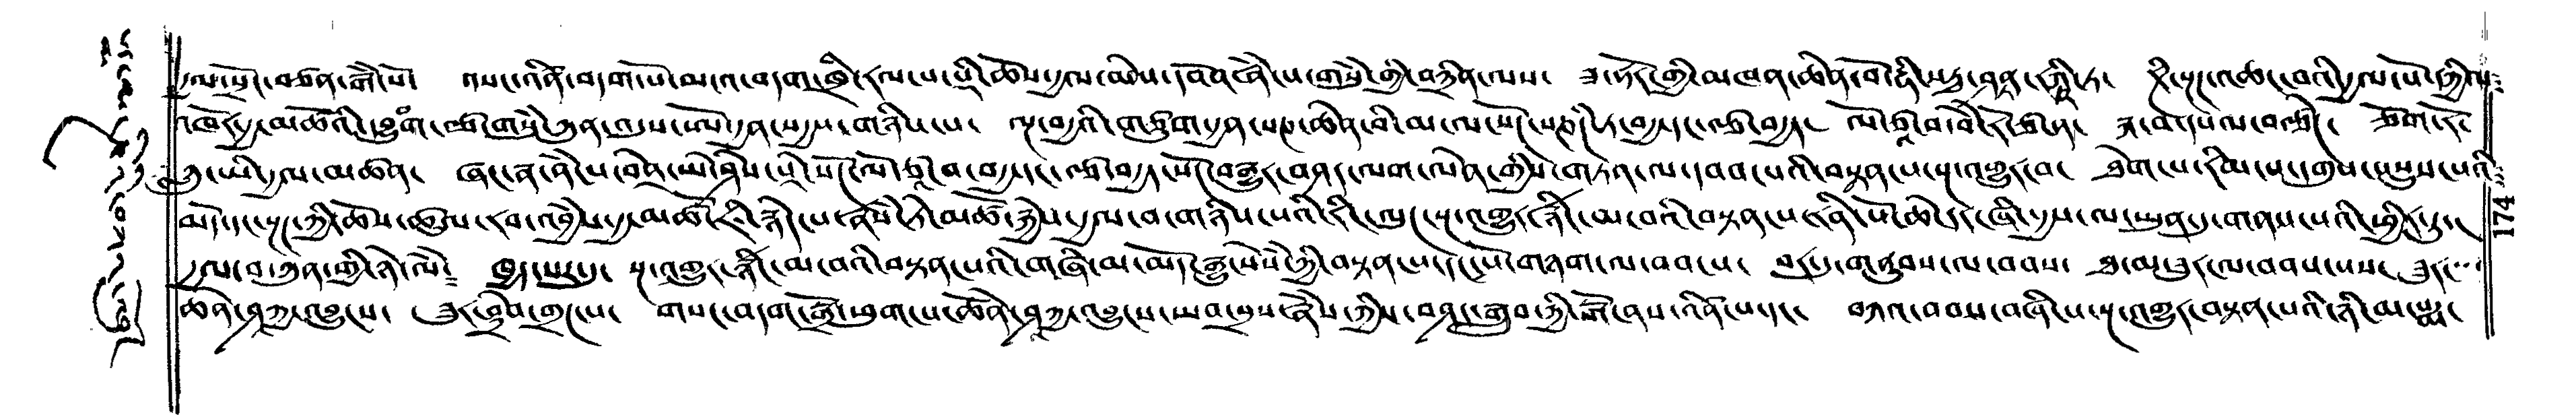རྒྱལ་སྲོང་བཙན་སྒམ་པོ། གསང་འཛིན་བདག་པོ་མངའ་དག་ཁྲི་རལ་པ་སྟེ་ཆོས་རྒྱལ་མེས་དབོན་རྣམ་པ་གསུམ་གྱི་བཀའ་དྲིན་ལས། ཟ་ཧོར་གྱི་མཁན་ཆེན་བོ་དྷི་ས་ཏྭ་ཤནྟ་རཀྵི་ཏ། རིགས་སྔགས་འཆང་བའི་རྒྱལ་པོ་དཀྱིལ་
འཁོར་རྒྱ་མཚོའི་དབང་ཕྱུག་རྩ་གསུམ་ཀུན་འདུས་ཨོ་རྒྱན་སངས་རྒྱས་གཉིས་པ། ལྔ་བརྒྱའི་གཙུག་རྒྱན་པཎ་ཆེན་བི་མ་ལ་སོགས་པཎྜྀ་ཏ་བརྒྱ་དང་རྩ་བརྒྱད། ལོ་ཙཱ་བ་བཻ་རོ་ཙ་ན།སྐ་བ་དཔལ་བརྩེགས། ཅོག་རོ་
ཀླུ་ཡི་རྒྱལ་མཚན། ཞང་སྣ་ནམ་པ་བནྡེ་ཡེ་ཤེས་སྡེ་སོགས་ལོ་ཙཱ་བ་བརྒྱ་དང་རྩ་བརྒྱད་སོགས་བསྒྱུར་བཤད་ལག་ལེན་གྱིས་གཏན་ལ་དབབ་པའི་བསྟན་པ་སྔ་འགྱུར་བ། ཐེག་པ་རིམ་པ་དགུས་བསྡུས་པའི་
མདོ་དང་སྔགས་ཀྱི་ཆོས་ཚུལ་རབ་འབྱམས་རྒྱ་མཚོ་ཇི་སྙེད་པ་རྣམས་ཏེ་མཚོ་སྐྱེས་རྒྱལ་བ་གཉིས་པའི་རིང་ལུགས་སྔ་འགྱུར་རྙིང་མ་བའི་བསྟན་པ་རིན་པོ་ཆེ་དར་ཞིང་རྒྱས་ལ་ཡུན་དུ་གནས་པའི་ཕྱིར་དུ། 
རྒྱལ་བ་ཀུན་གྱི་ཉེ་ལམ༴ ཁྱད་པར་དུ་སྔ་འགྱུར་རྙིང་མ་བའི་བསྟན་པའི་གཞི་མ་མདོ་རྒྱུ་སེམས་ཀྱི་བསྟན་པ་དང་པོ་གཉགས་ལ་བབས། བར་དུ་གནུབས་ལ་བབས། ཐ་མ་ཟུར་ལ་བབས་པས། ཟུར་
ཆེན་ཤཱཀྱ་འབྱུང་གནས། ཟུར་ཤེས་རབ་གྲགས་པ། གསང་བདག་སྒྲོ་ཕུག་པ་ཆེན་པོ་ཤཱཀྱ་འབྱུང་གནས་ཡབ་སྲས་རྣམས་ཀྱིས་བཤད་སྒྲུབ་ཀྱི་སྒོ་ནས་འཛིན་པ་དང་། བཀའ་བབས་བཞི་པ་སྔ་འགྱུར་བསྟན་པའི་ཉི་མ་པདྨ་